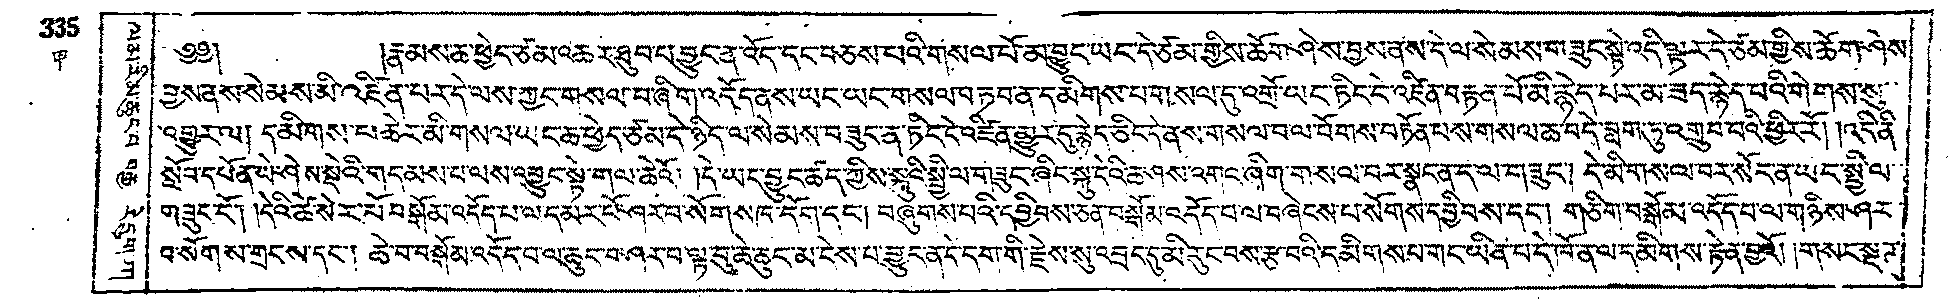༄༅། །རྣམས་ཆ་ཕྱེད་ཙམ་འཆར་ཐུབ་པ་བྱུང་ན་འོད་དང་བཅས་པའི་གསལ་པོ་མ་བྱུང་ཡང་དེ་ཙམ་གྱིས་ཆོག་ཤེས་བྱས་ནས་དེ་ལ་སེམས་གཟུང་སྟེ་འདི་ལྟར་དེ་ཙམ་གྱིས་ཚེག་ཤེས་
བྱས་ནས་སེམས་མི་འཛིན་པར་དེ་ལས་ཀྱང་གསལ་བ་ཞིག་འདོད་ནས་ཡང་ཡང་གསལ་བཏབ་ན་དམིགས་པ་གསལ་དུ་འགྲོ་ཡང་ཏིང་ངེ་འཛིན་བརྟན་པོ་མི་རྙེད་པར་མ་ཟད་རྙེད་པའི་གེགས་སུ་
འགྱུར་ལ། དམིགས་པ་ཆེར་མི་གསལ་ཡང་ཆ་ཕྱེད་ཙམ་དེ་ཉིད་ལ་སེམས་བཟུང་ན་ཏིང་ངེ་འཛིན་མྱུར་དུ་རྙེད་ཅིང་དེ་ནས་གསལ་བ་ལ་བོགས་བཏོན་པས་གསལ་ཆ་བདེ་བླག་ཏུ་འགྲུབ་པའི་ཕྱིར་རོ། །འདི་ནི་
སློབ་དཔོན་ཡེ་ཤེས་སྡེའི་གདམས་པ་ལས་འབྱུང་སྟེ་གལ་ཆེའོ། །དེ་ཡང་བྱུང་ཚད་ཀྱིས་སྐུའི་སྤྱི་ལ་གཟུང་ཞིང་སྐུ་དེའི་ཆ་ཤས་འགའ་ཞིག་གསལ་བར་སྣང་ན་ད་ལ་གཟུང་། དེ་མི་གསལ་བར་སོང་ན་ཡང་སྤྱི་ལ་
གཟུང་ངོ། །དེའི་ཚེ་སེར་པོ་བསྒོམ་འདོད་པ་ལ་དམར་པོ་ཤར་བ་སོགས་ཁ་དོག་དང་། བཞུགས་པའི་དབྱིབས་ཅན་བསྒོམ་འདོད་པ་ལ་བཞེངས་པ་སོགས་དབྱིབས་དང་། གཅིག་བསྒོམ་འདོད་པ་ལ་གཉིས་ཤར་
བ་སོགས་གྲངས་དང་། ཆེ་བ་བསྒོམ་འདོད་པ་ལ་ཆུང་བ་ཤར་བ་ལྟ་བུ་ཆེ་ཆུང་མ་ངེས་པ་བྱུང་ན་དེ་དག་གི་རྗེས་སུ་འབྲང་དུ་མི་རུང་བས་རྩ་བའི་དམིགས་པ་གང་ཡིན་པ་དེ་ཁོ་ན་ལ་དམིགས་རྟེན་བྱའོ། །གསང་སྔཌ་